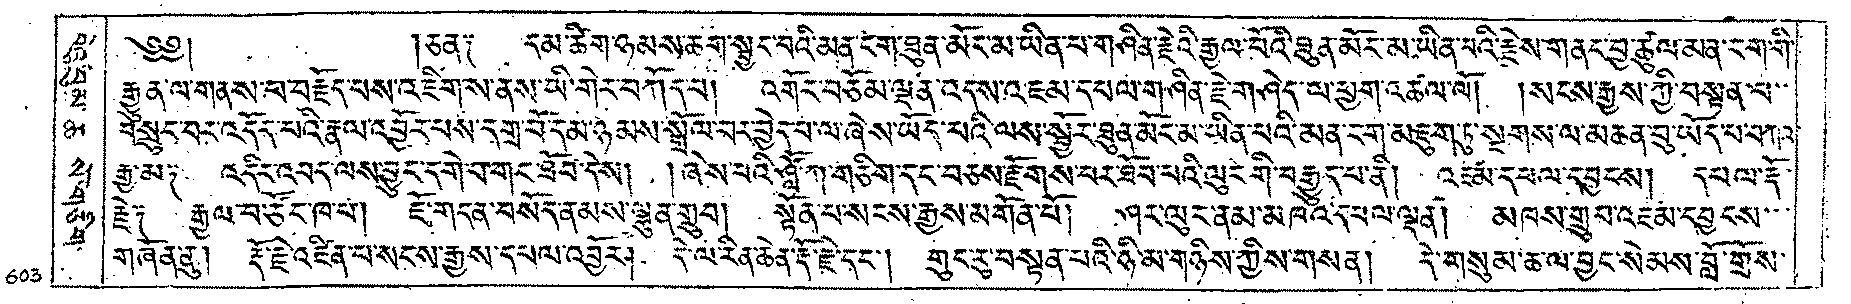༄༅། །ཅན༑ དམ་ཚིག་ཉམས་ཆག་སྦྱང་བའི་མན་ངག་ཐུན་མོང་མ་ཡིན་པ་གཤིན་རྗེའི་རྒྱལ་པོའི་ཐུན་མོང་མ་ཡིན་པའི་རྗེས་གནང་བྱ་ཚུལ་མན་ངག་གི་
རྒྱུན་ལ་གནས་པ་བརྗོད་པས་འཇིགས་ནས་ཡི་གེར་བཀོད་པ། འགོར་བཅོམ་ལྡན་འདས་འཇམ་དཔལ་གཤིན་རྗེ་གཤེད་ལ་ཕྱག་འཚལ་ལོ། །སངས་རྒྱས་ཀྱི་བསྟན་པ་
བསྲུང་བར་འདོད་པའི་རྣལ་འབྱོར་པས་དགྲ་བོ་དམ་ཉམས་སྒྲོལ་བར་བྱེད་པ་ལ་ཞེས་ཡོད་པའི་ལས་སྦྱོར་ཐུན་མོང་མ་ཡིན་པའི་མན་ངག་མཇུག་ཏུ་སྔགས་ལ་མཆན་བུ་ཡོད་པ་བཀའ་
རྒྱ་མ༑ འདིར་འབད་ལས་བྱུང་དགེ་བ་གང་ཐོབ་དེས། །ཞེས་པའི་ཤླཽ་ཀ་གཅིག་དང་བཅས་རྫོགས་པར་ཐོབ་པའི་ལུང་གི་བརྒྱུད་པ་ནི། འཇམ་དཔལ་དབྱངས། དཔལ་རྡོ་
རྗེ༑ རྒྱལ་བ་ཙོང་ཁ་པ། ཇོ་གདན་བསོད་ནམས་ལྷུན་གྲུབ། སྟོན་པ་སངས་རྒྱས་མགོན་པོ། ཤར་ལུང་ནམ་མཁའ་དཔལ་ལྡན། མཁས་གྲུབ་འཇམ་དབྱངས་
གཞོན་ནུ། རྡོ་རྗེ་འཛིན་པ་སངས་རྒྱས་དཔལ་འབྱོར། དེ་ལ་རིན་ཆེན་རྡོ་རྗེ་དང་། གུང་རུ་བསྟན་པའི་ཉི་མ་གཉིས་ཀྱིས་གསན། དེ་གསུམ་ཆ་ལ་བྱང་སེམས་བློ་གྲོས་